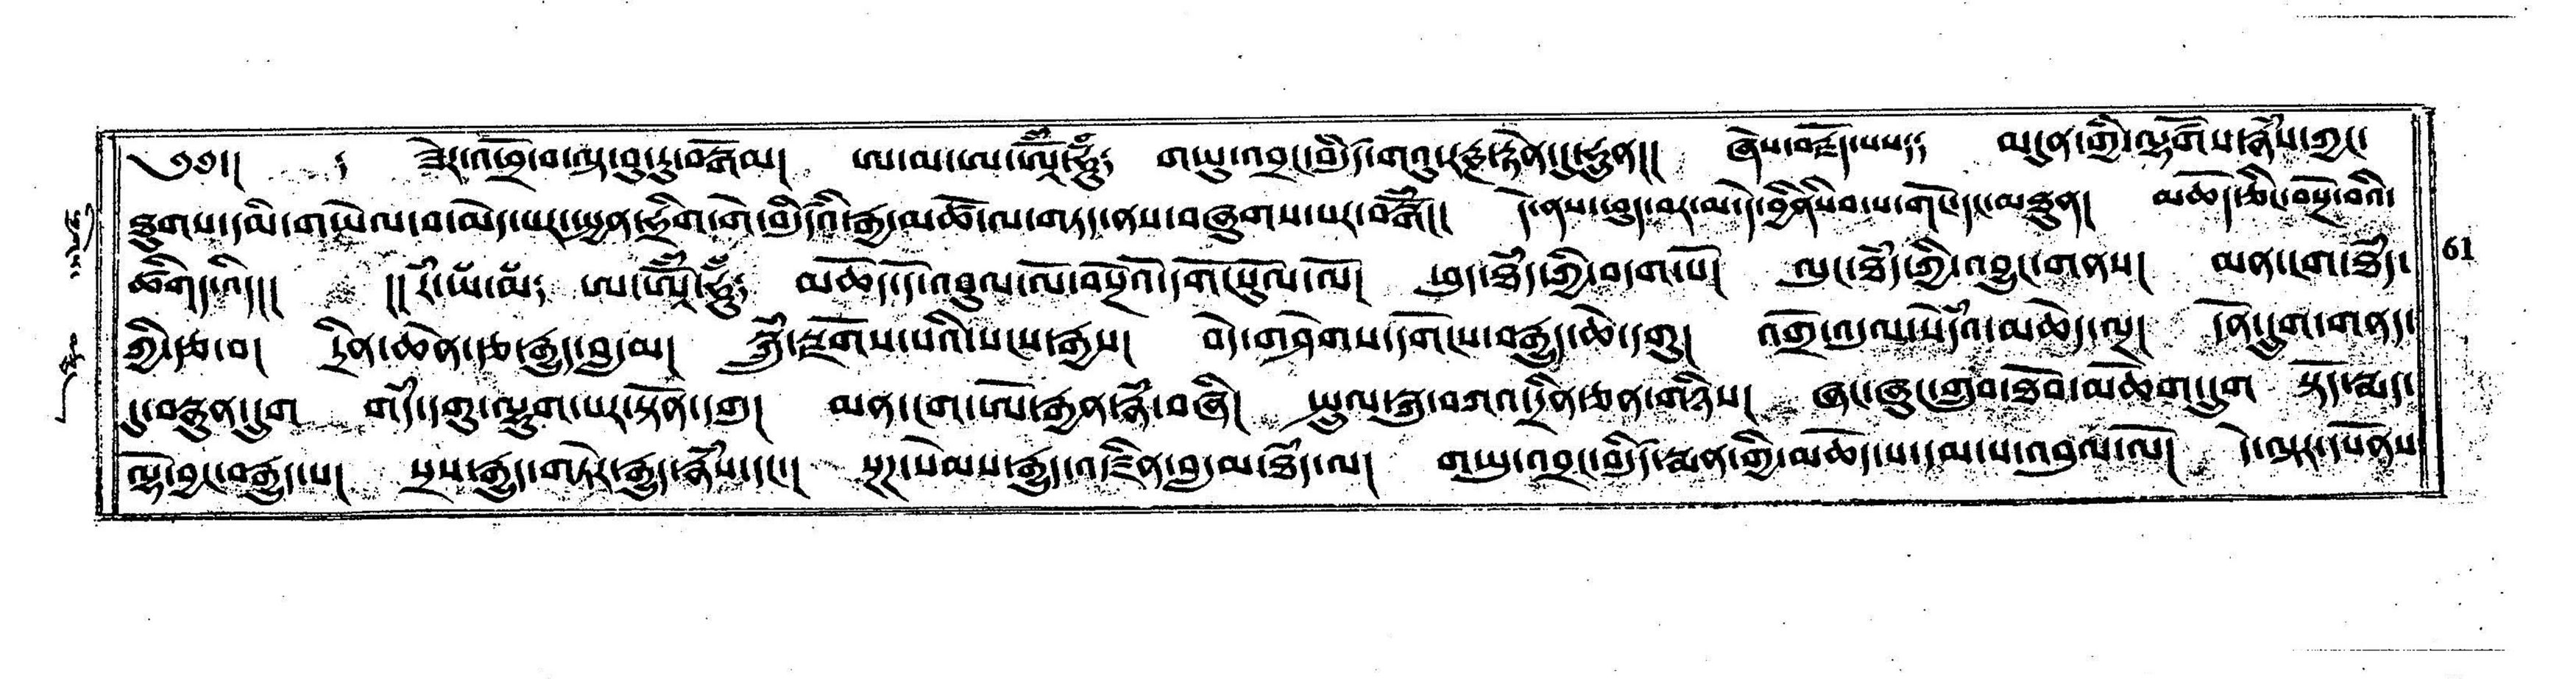ཟེར་འཕྲོ་བ་ལྟ་བུ་རུ་བསྒོམ། ཨ་མ་ཨ་ཨཱོཾ་ཧཱུྃ གཡུ་འབྲང་བདུད་རྩི་གའུ་རཏྞ་རྟེན་དུ་ཧྲུན།། ཞེས་བརྗོད་པས མདུན་གྱི་ལྷ་ཚོགས་རྣམས་ཀྱང་
ཐུགས་དམ་གཡེལ་བ་མེད་པར་སྤྱན་ཧྲིག་གེ་བདུད་རྩིའི་རྒྱ་མཚོ་ལ་གཏད་ནས་བཞུགས་པར་བསྒོམ།། དེ་ནས་ཕུད་བར་མ་དེ་བྱིན་གྱིས་བརླབས་པ་གོང་དང་མཐུན། མཆོད་ཅིང་བསྔོ་བའི་
ཚིག་བཤད་འདི།། །།རཾ་ཡཾ་མཾ ཨ་ཨཱོཾ་ཧཱུྃ མཆོད་དོ་འབུལ་ལོ་བསྔོའོ་དགོངས་སུ་གསོལ་ལོ། ཕུད་ཐམས་ཅད་ཀྱི་བདག་པོ། ལུང་ཐམས་ཅད་ཀྱི་འབྱུང་གནས། མན་ངག་ཐམས་ཅད་
ཀྱི་རྩ་བ། དྲིན་ཆེན་རྩ་རྒྱུད་བླ་མ། སྐུ་གསུམ་རྫོགས་པའི་སངས་རྒྱས། བདེ་གཤེགས་དགོངས་བརྒྱུད་ཆེ་དགུ། འགྲོ་འདུལ་སེམས་དཔའ་མཆེད་ལྔ། དོན་དྲུག་གནད་
དུ་བསྣུན་དྲུག གདམ་དགུ་ལྷུག་པར་སྟོན་དགུ། མན་ངག་ཨོ་རྒྱན་རྣམ་བཞི། སྤྲུལ་སྐུ་བཀའ་དྲིན་ཅན་གཉིས། ཞང་ཞུང་གྲུབ་ཐོབ་མཆོག་དྲུག སྟོད་སྨད་
ལྷོ་བྱང་བརྒྱུད་པ། སྲས་རྒྱུད་གཏེར་རྒྱུད་རྣམས་དང་། སྔགས་སེམས་རྒྱུད་འཛིན་བླ་མ་ཐམས་ཅད་ལ། གཡུ་འབྲང་བདུད་རྩི་སྨན་གྱི་མཆོད་པ་དམ་པ་འབུལ་ལོ། དེ་ལྟར་དཔོན་གསས་